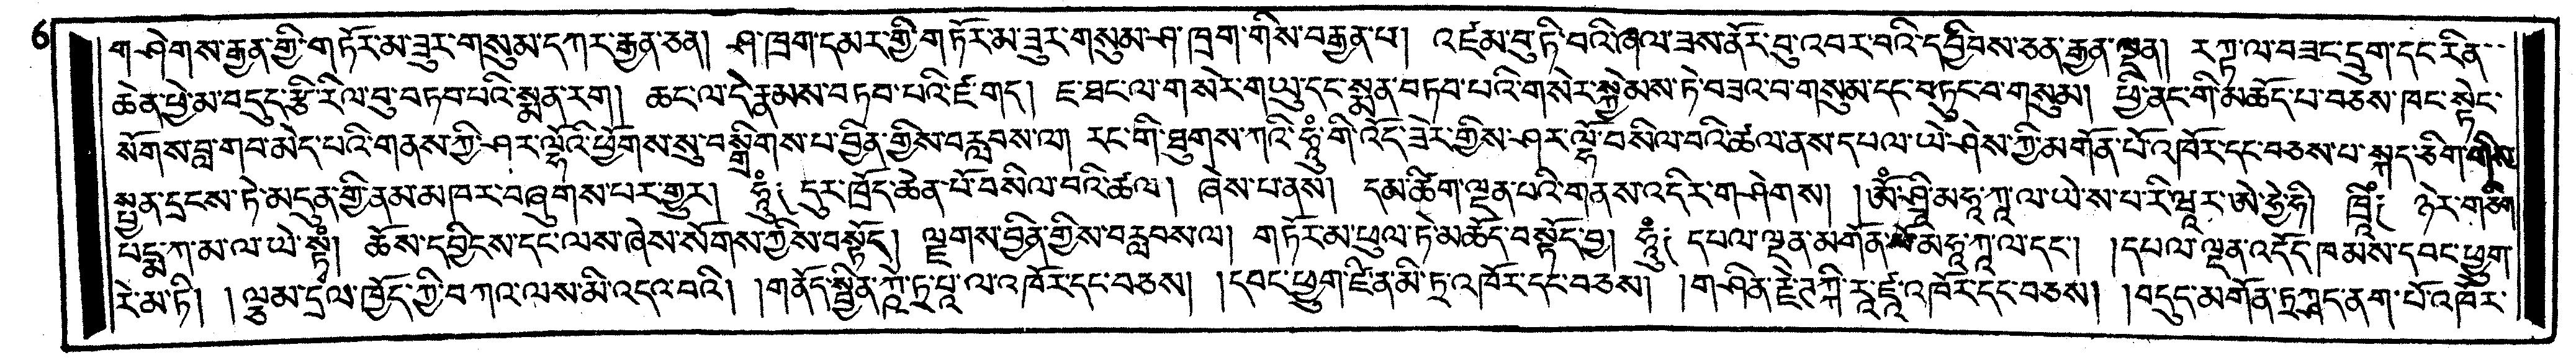གཤེགས་རྒྱན་གྱི་གཏོར་མ་ཟུར་གསུམ་དཀར་རྒྱན་ཅན། ཤ་ཁྲག་དམར་གྱི་གཏོར་མ་ཟུར་གསུམ་ཤ་ཁྲག་གིས་བརྒྱན་པ། འཛམ་བུ་ཏི་བའི་ཞལ་ཟས་ནོར་བུ་འབར་བའི་དབྱིབས་ཅན་རྒྱན་ལྡན། རཀྟ་ལ་བཟང་དྲུག་དང་རིན་
ཆེན་ཕྱེ་མ་བདུད་རྩི་རིལ་བུ་བཏབ་པའི་སྨན་རག །ཆང་ལ་དེ་རྣམས་བཏབ་པའི་ཛ་གད། ཇ་ཐང་ལ་གསེར་གཡུ་དང་སྨན་བཏབ་པའི་གསེར་སྐྱེམས་ཏེ་བཟའ་བ་གསུམ་དང་བཏུང་བ་གསུམ། ཕྱི་ནང་གི་མཆོད་པ་བཅས་ཁང་སྟེང་
སོགས་བླ་གབ་མེད་པའི་གནས་ཀྱི་ཤར་ལྷོའི་ཕྱོགས་སུ་བསྒྲིགས་པ་བྱིན་གྱིས་བརླབས་ལ། རང་གི་ཐུགས་ཁའི་ཧཱུཾ་གི་འོད་ཟེར་གྱིས་ཤར་ལྷོ་བསིལ་བའི་ཚལ་ནས་དཔལ་ཡེ་ཤེས་ཀྱི་མགོན་པོ་འཁོར་དང་བཅས་པ་སྐད་ཅིག་གིས་
སྤྱན་དྲངས་ཏེ་མདུན་གྱི་ནམ་མཁར་བཞུགས་པར་གྱུར། ཧཱུཾ༑ དུར་ཁྲོད་ཆེན་པོ་བསིལ་བའི་ཚལ། ཞེས་པ་ནས། དམ་ཚིག་ལྡན་པའི་གནས་འདིར་གཤེགས། །ཨོཾ་ཤྲཱི་མཧཱ་ཀཱ་ལ་ཡེ་ས་པ་རི་ཝཱ་ར་ཡེ་ཧྱེ་ཧི། ཁྲཱིཾ༑ ཉེར་གཅིག་
པདམ་ཀ་མ་ལ་ཡེ་སྟྭཾ། ཆོས་དབྱིངས་དང་ལས་ཞེས་སོགས་ཀྱིས་བསྟོད། ལྗགས་བྱིན་གྱིས་བརླབས་ལ། གཏོར་མ་ཕུལ་ཏེ་མཆོད་བསྟོད་བྱ། ཧཱུཾ༑ དཔལ་ལྡན་མགོན་པོ་མཧཱ་ཀཱ་ལ་དང་། །དཔལ་ལྡན་འདོད་ཁམས་དབང་ཕྱུག་
རེ་མ་ཏི། །ལྕམ་དྲལ་ཁྱོད་ཀྱི་བཀའ་ལས་མི་འདའ་བའི། །གནོད་སྦྱིན་ཀྵེ་ཀྲ་པཱ་ལ་འཁོར་དང་བཅས། །དབང་ཕྱུག་ཛི་ན་མི་ཏྲ་འཁོར་དང་བཅས། །གཤིན་རྗེ་ཊཀྐི་རཱ་ཛཱ་འཁོར་དང་བཅས། །བདུད་མགོན་ཏྲཀྴད་ནག་པོ་འཁོར་